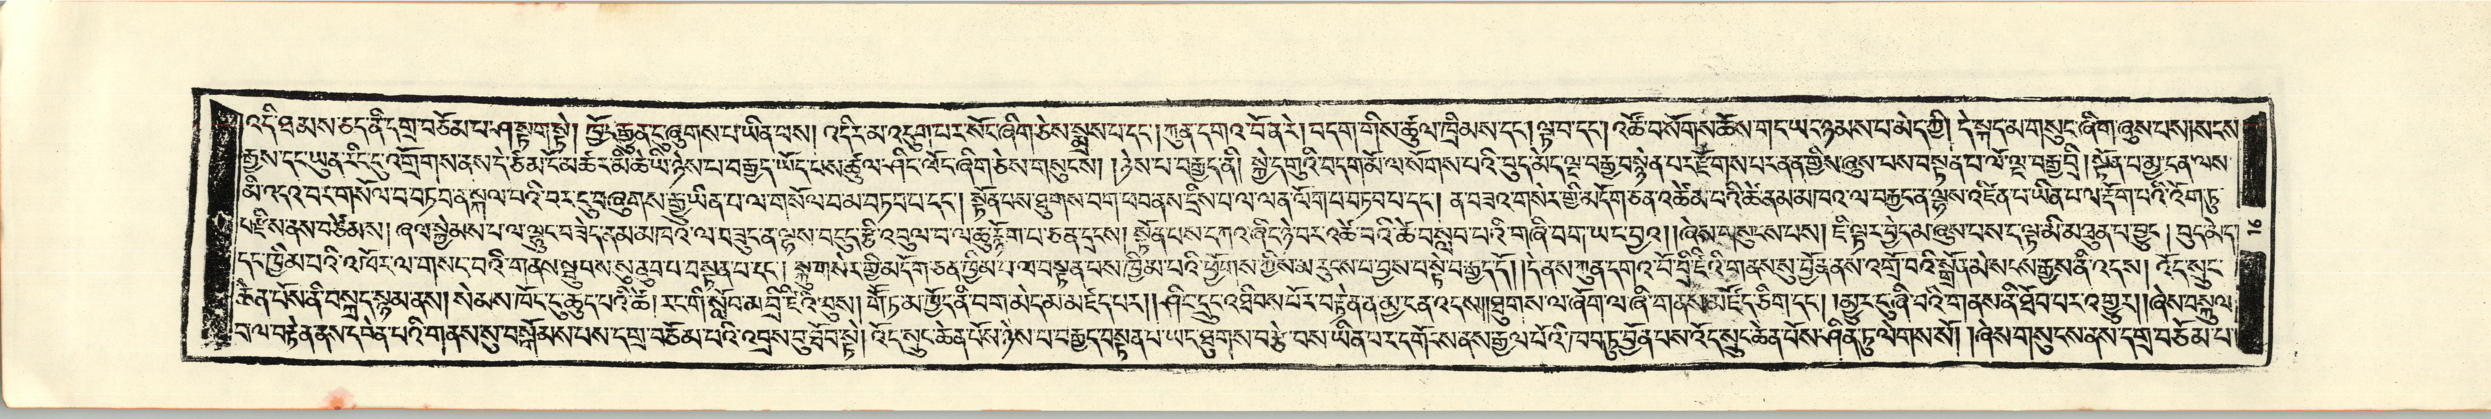འདི་ཐམས་ཅད་ནི་དགྲ་བཅོམ་པ་ཤ་སྟག་སྟེ། ཁྱོད་རྒྱུན་དུ་ཞུགས་པ་ཡིན་པས། འདིར་མ་འདུག་པར་སོང་ཞིག་ཅེས་སྨྲས་པ་དང་། ཀུན་དགའ་བོ་ན་རེ། བདག་གིས་ཚུལ་ཁྲིམས་དང་། ལྟ་བ་དང་། འཚོ་བསོགས་ཆོས་གང་ཡང་ཉམས་པ་མེད་ཀྱི། དེ་སྐད་མ་གསུང་ཞིག་ཞུས་པས། སངས་
རྒྱས་དང་ཡུན་རིང་དུ་འགྲོགས་ནས་དེ་ཙམ་ངོ་མཚར་མི་ཆེ་ཡི་ཉེས་པ་བརྒྱད་ཡོད་པས་ཚུལ་ཤིང་ལོང་ཞིག་ཅེས་གསུངས། །ཉེས་པ་བརྒྱད་ནི། སྐྱེ་དགུའི་བདག་མོ་ལ་སོགས་པའི་བུད་མེད་ལྔ་བརྒྱ་བསྙེན་པར་རྫོགས་པར་ནན་གྱིས་ཞུས་པས་བསྟན་པ་ལོ་ལྔ་བརྒྱ་བྲི། སྟོན་པ་མྱ་ངན་ལས་
མི་འདའ་བར་གསོལ་བ་བཏབ་ན་སྐལ་བའི་བར་དུ་བཞུགས་རྒྱུ་ཡིན་པ་ལ་གསོལ་བ་མ་བཏབ་པ་དང་། སྟོན་པས་ཐུགས་བག་ཕབ་ནས་དྲིས་པ་ལ་ལན་ལོག་པ་བཏབ་པ་དང་། ན་བཟའ་གསེར་གྱི་མདོག་ཅན་འཚེམ་པའི་ཚེ་ནམ་མཁའ་ལ་བརྐྱང་ན་ལྷས་འཛིན་པ་ཡིན་པ་ལ་རྡོག་པའི་འོག་ཏུ་
བརྫིས་ནས་བཙེམས། ཞལ་སྐྱེམས་པ་ལ་ལྷུང་བཟེད་ནམ་མཁའ་ལ་བཟུང་ན་ལྷས་བདུད་རྩི་འབུལ་བ་ལ་ཆུ་རྙོག་པ་ཅན་དྲངས། སྟོན་པས་དཀའ་ཞིང་ཉེ་བར་འཚེ་བའི་ཚེ་བསླབ་པའི་གཞི་བག་ཡང་བྱའོ། །ཞེས་གསུངས་པས། ཇི་ལྟར་བྱེད་མ་ཞུས་པས་ད་ལྟ་མི་མཐུན་པ་བྱུང་། བུད་མེད་
དང་ཁྱིམ་པའི་འཁོར་ལ་གསང་བའི་གནས་སྦུབས་སུ་ནུབ་པ་བསྟན་པ་དང་། སྐུ་གསེར་གྱི་མདོག་ཅན་ཁྱིམ་པ་ལ་བསྟན་པས་ཁྱིམ་པའི་ཕྱོགས་ཀྱིས་མ་རུངས་པ་བྱས་པ་སྟེ་བརྒྱད་དོ། །དེ་ནས་ཀུན་དགའ་བོ་བྲི་ཛིའི་གནས་སུ་བྱོན་ནས་འགྲོ་བའི་སྒྲོན་མེ་སངས་རྒྱས་ནི་འདས། འོད་སྲུང་
ཆེན་པོས་ནི་བསྐྲད་སྙམ་ནས། སེམས་ཁོང་དུ་ཆུད་པའི་ཚེ། རང་གི་སློབ་མ་བྲི་ཛིའི་བུས། གཽ་ཏ་མ་ཁྱོད་ནི་བག་མེད་མ་མཛད་པར། །ཤིང་དྲུང་འཐེབས་པོར་བརྟེན་ན་མྱ་ངན་འདས། །ཐུགས་ལ་ཞོག་པ་ཞི་གནས་མཛོད་ཅིག་དང་། །མྱུར་དུ་ཞི་བའི་གནས་ནི་ཐོབ་པར་འགྱུར། །ཞེས་བསྐུལ་
བ་ལ་བརྟེན་ནས་དབེན་པའི་གནས་སུ་བསྒོམས་པས་དགྲ་བཅོམ་པའི་འབྲས་བུ་ཐོབ་སྟེ། འོད་སྲུང་ཆེན་པོས་ཉེས་པ་བརྒྱད་བསྟན་པ་ཡང་ཐུགས་བརྩེ་བས་ཡིན་པར་དགོངས་ནས་རྒྱལ་པོའི་ཁབ་ཏུ་བྱོན་པས་འོད་སྲུང་ཆེན་པོས་ཤིན་ཏུ་ལེགས་སོ། །ཞེས་གསུངས་ནས་དགྲ་བཅོམ་པ་